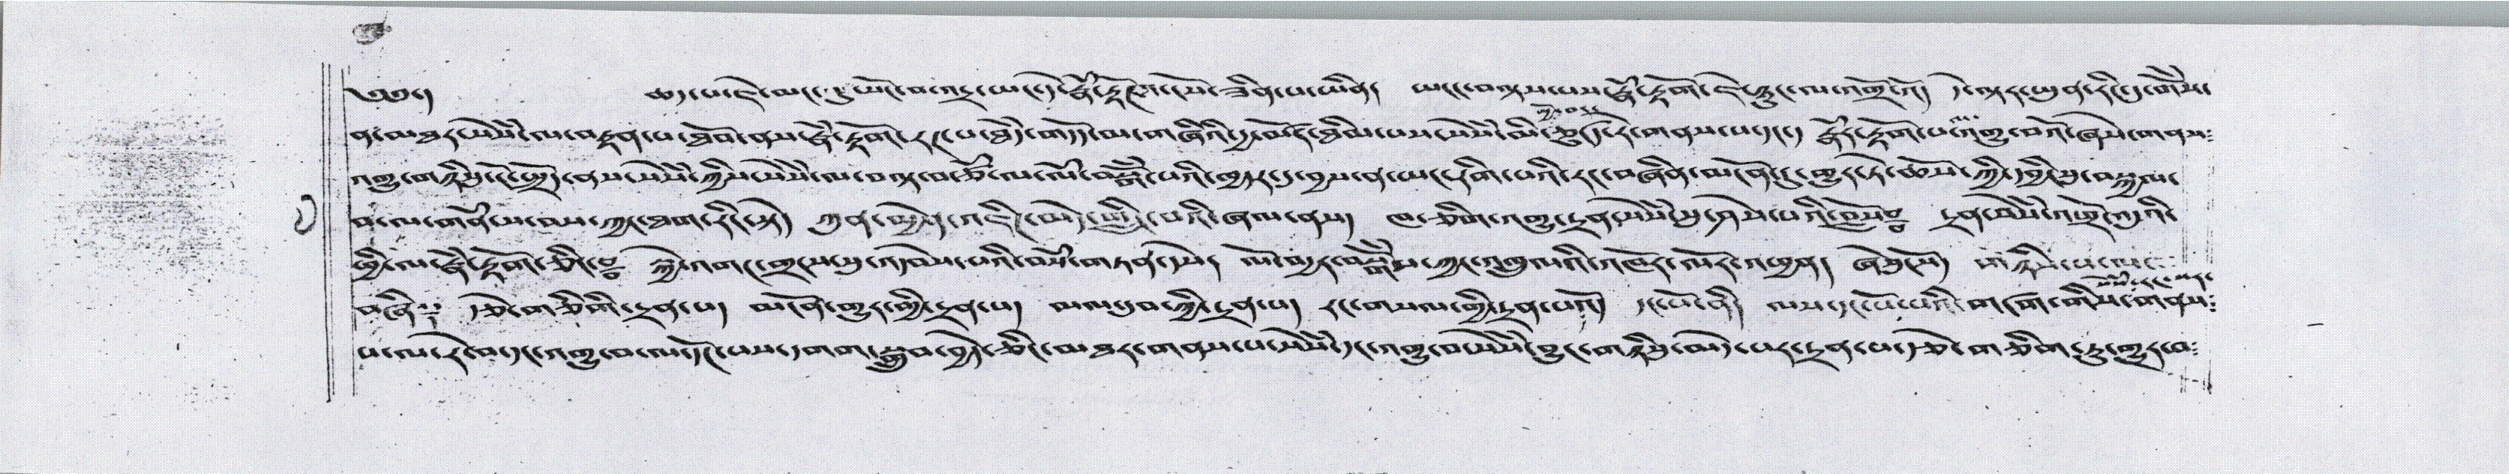ཆད་པ་ཇེ་མང་དུ་སོང་བ་འདྲ་ཡང་དེ་རྣམ་རྟོག་ངོས་ཟིན་པ་ཡིན། ཡང་ཡང་བལྟས་པས་རྣམ་རྟོག་ཇེ་ཉུང་ལ་འགྲོའོ། དེ་ལྟར་ཡུན་རིང་དུ་གོམས་
ན་མཐར་སེམས་ལ་བརྟན་པ་ཐོབ་ནས་རྣམ་རྟོག་རགས་པ་ཐམས་ཅད་གདོད་མ་གཞིའི་རྒྱ་མཚོར་ཐིམ་པས་སེམས་མི་ཕྱོ་བར་ཅུང་ཟད་རེ་གནས་པ་དང། རྣམ་པར་རྟོག་པ་ལ་འགྱུ་བའོ་ཞེས་གནས་
འགྱུ་གཉིས་སུ་ངོ་སྤྲོད་ནས་སེམས་ཀྱིས་སེམས་ལ་བལྟ་བ་ཙམ་ལ་ལམ་བསྒོམ་པའི་ཁྱད་པར་དུ་བྱས་ན་ཡང་རིག་པའི་རང་བཞིན་མངོན་དུ་གྱུར་ཏེ་ཆོས་ཀྱི་དབྱིངས་སུ་བསྐྱལ་
བ་ལ་གནམ་ས་བས་ཀྱང་ཐག་རིང་སྟེ། ཀུན་མཁྱེན་འཇིགས་མེད་གླིང་པའི་ཞལ་ནས། ཁ་ཅིག་འགྱུ་དྲན་སེམས་སུ་ཤེས་པའི་བློསཿ དྲན་སེམས་འཕྲོ་འདུའི་
ཕྱི་ལ་རྣམ་རྟོག་ཅིངཿ སྐྱེ་འགགས་གྲངས་སུ་འདེབས་པའི་བསམ་གཏན་དེས། ལོ་བརྒྱར་བསྒོམས་ཀྱང་འཁྲུལ་པའི་འཁོར་ལོར་འཕྱན། ཞེས་གསུངས་སོ། གཉིས་པ་ལ་
བཞི། རྩེ་གཅིག་གི་དྲན་པ། མངོན་གྱུར་གྱི་དྲན་པ། མལ་དུབ་ཀྱི་དྲན་པ། རང་གསལ་གྱི་དྲན་པའོ། དང་པོ་ནི། ལས་དང་པོ་བའི་གང་ཟག་གིས་སེམས་རང་སར་གནས་
པ་ལ་རེ་བ་དང་འགྱུ་བ་ལ་དོགས་པས་དགག་སྒྲུབ་བྱེད་ཅིང་མཐར་གནས་པ་སེམས་དང་འགྱུ་བ་སེམས་བྱུང་གཉིས་སུ་མེད་པར་དྲན་པ་རྩེ་གཅིག་ཏུ་གྱུར་བ་